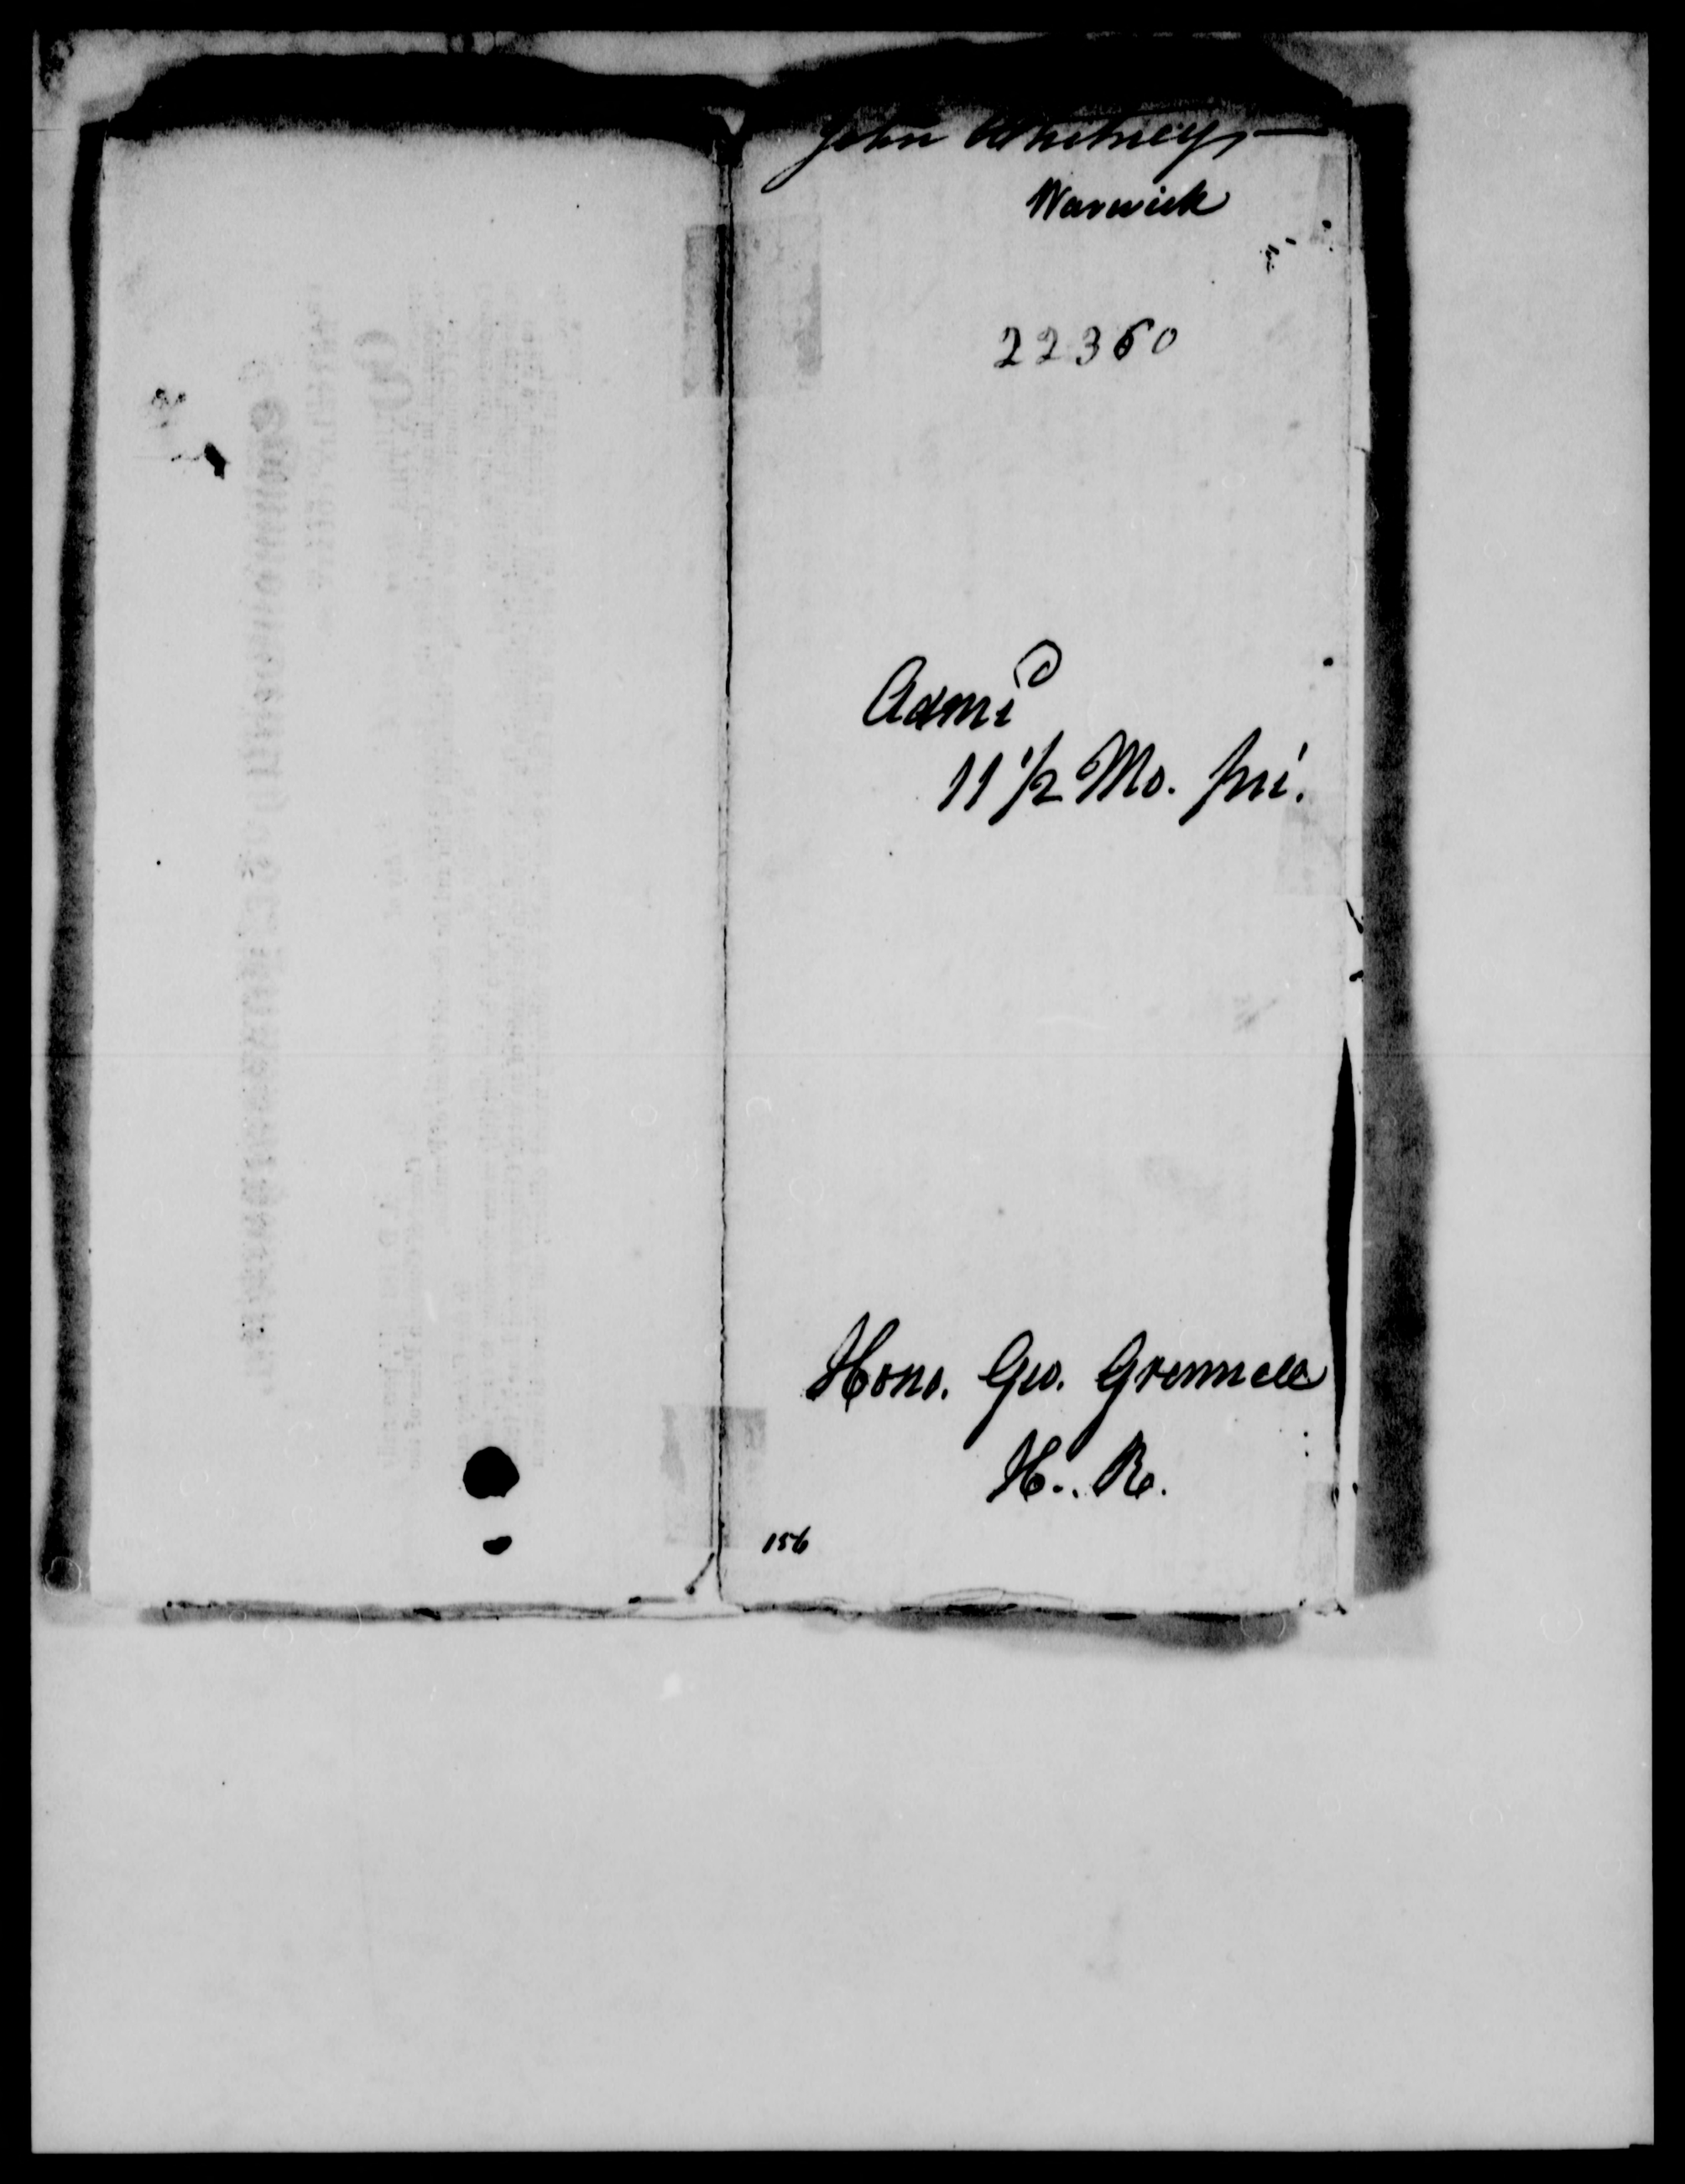John Whitney
Warwick
22360
Admd.
11 1/2 Mo Pri

Hono. Geo. Grennell
H. R. 

156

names: John Whitney, Geo Grennell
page: 4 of 10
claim: survivor's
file: S. 30,203, John Whitney, Mass.